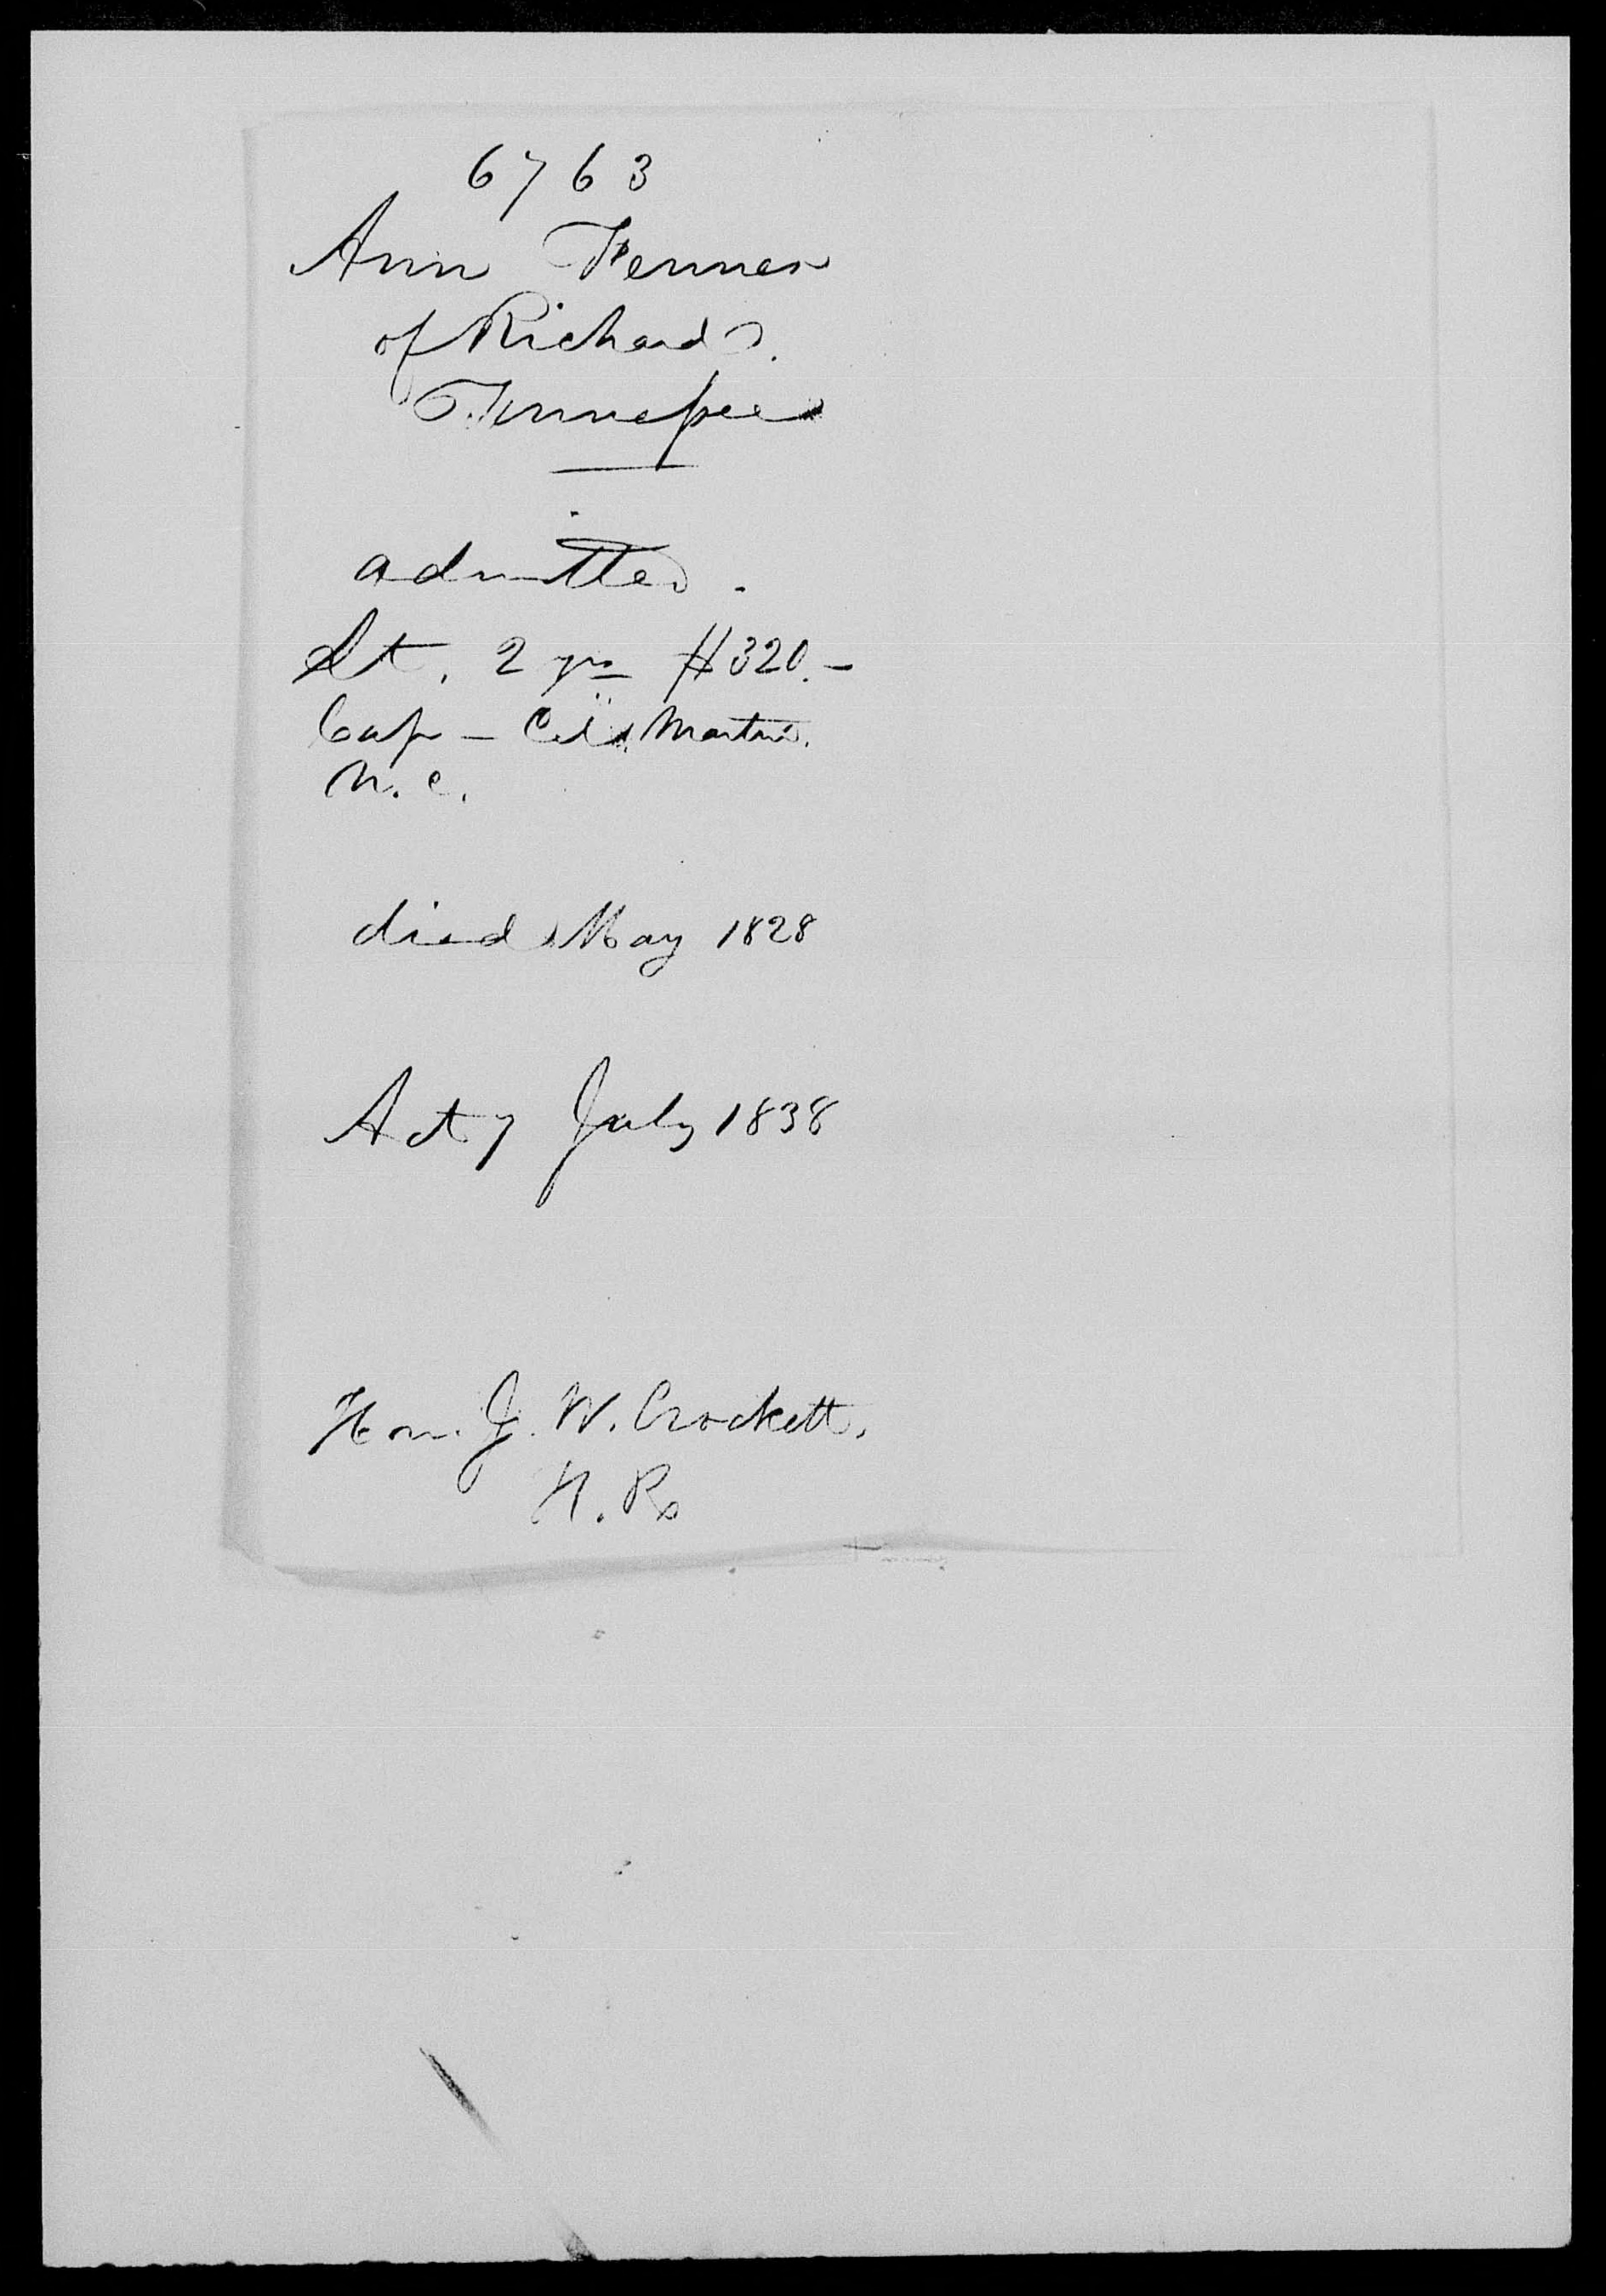6763

Ann Fenner
of Richard
Tennessee

admitted
Lt. 2 yrs $320
Capt - C_ Martin
N.C.

died May 1828

Act 7 July 1838

Hon. J. W. Crockett, N.R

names: Richard Fenner, Ann Fenner, J W Crockett, Martin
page: 21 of 39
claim: widow's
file: W. 789, Richard Fenner, N.C.